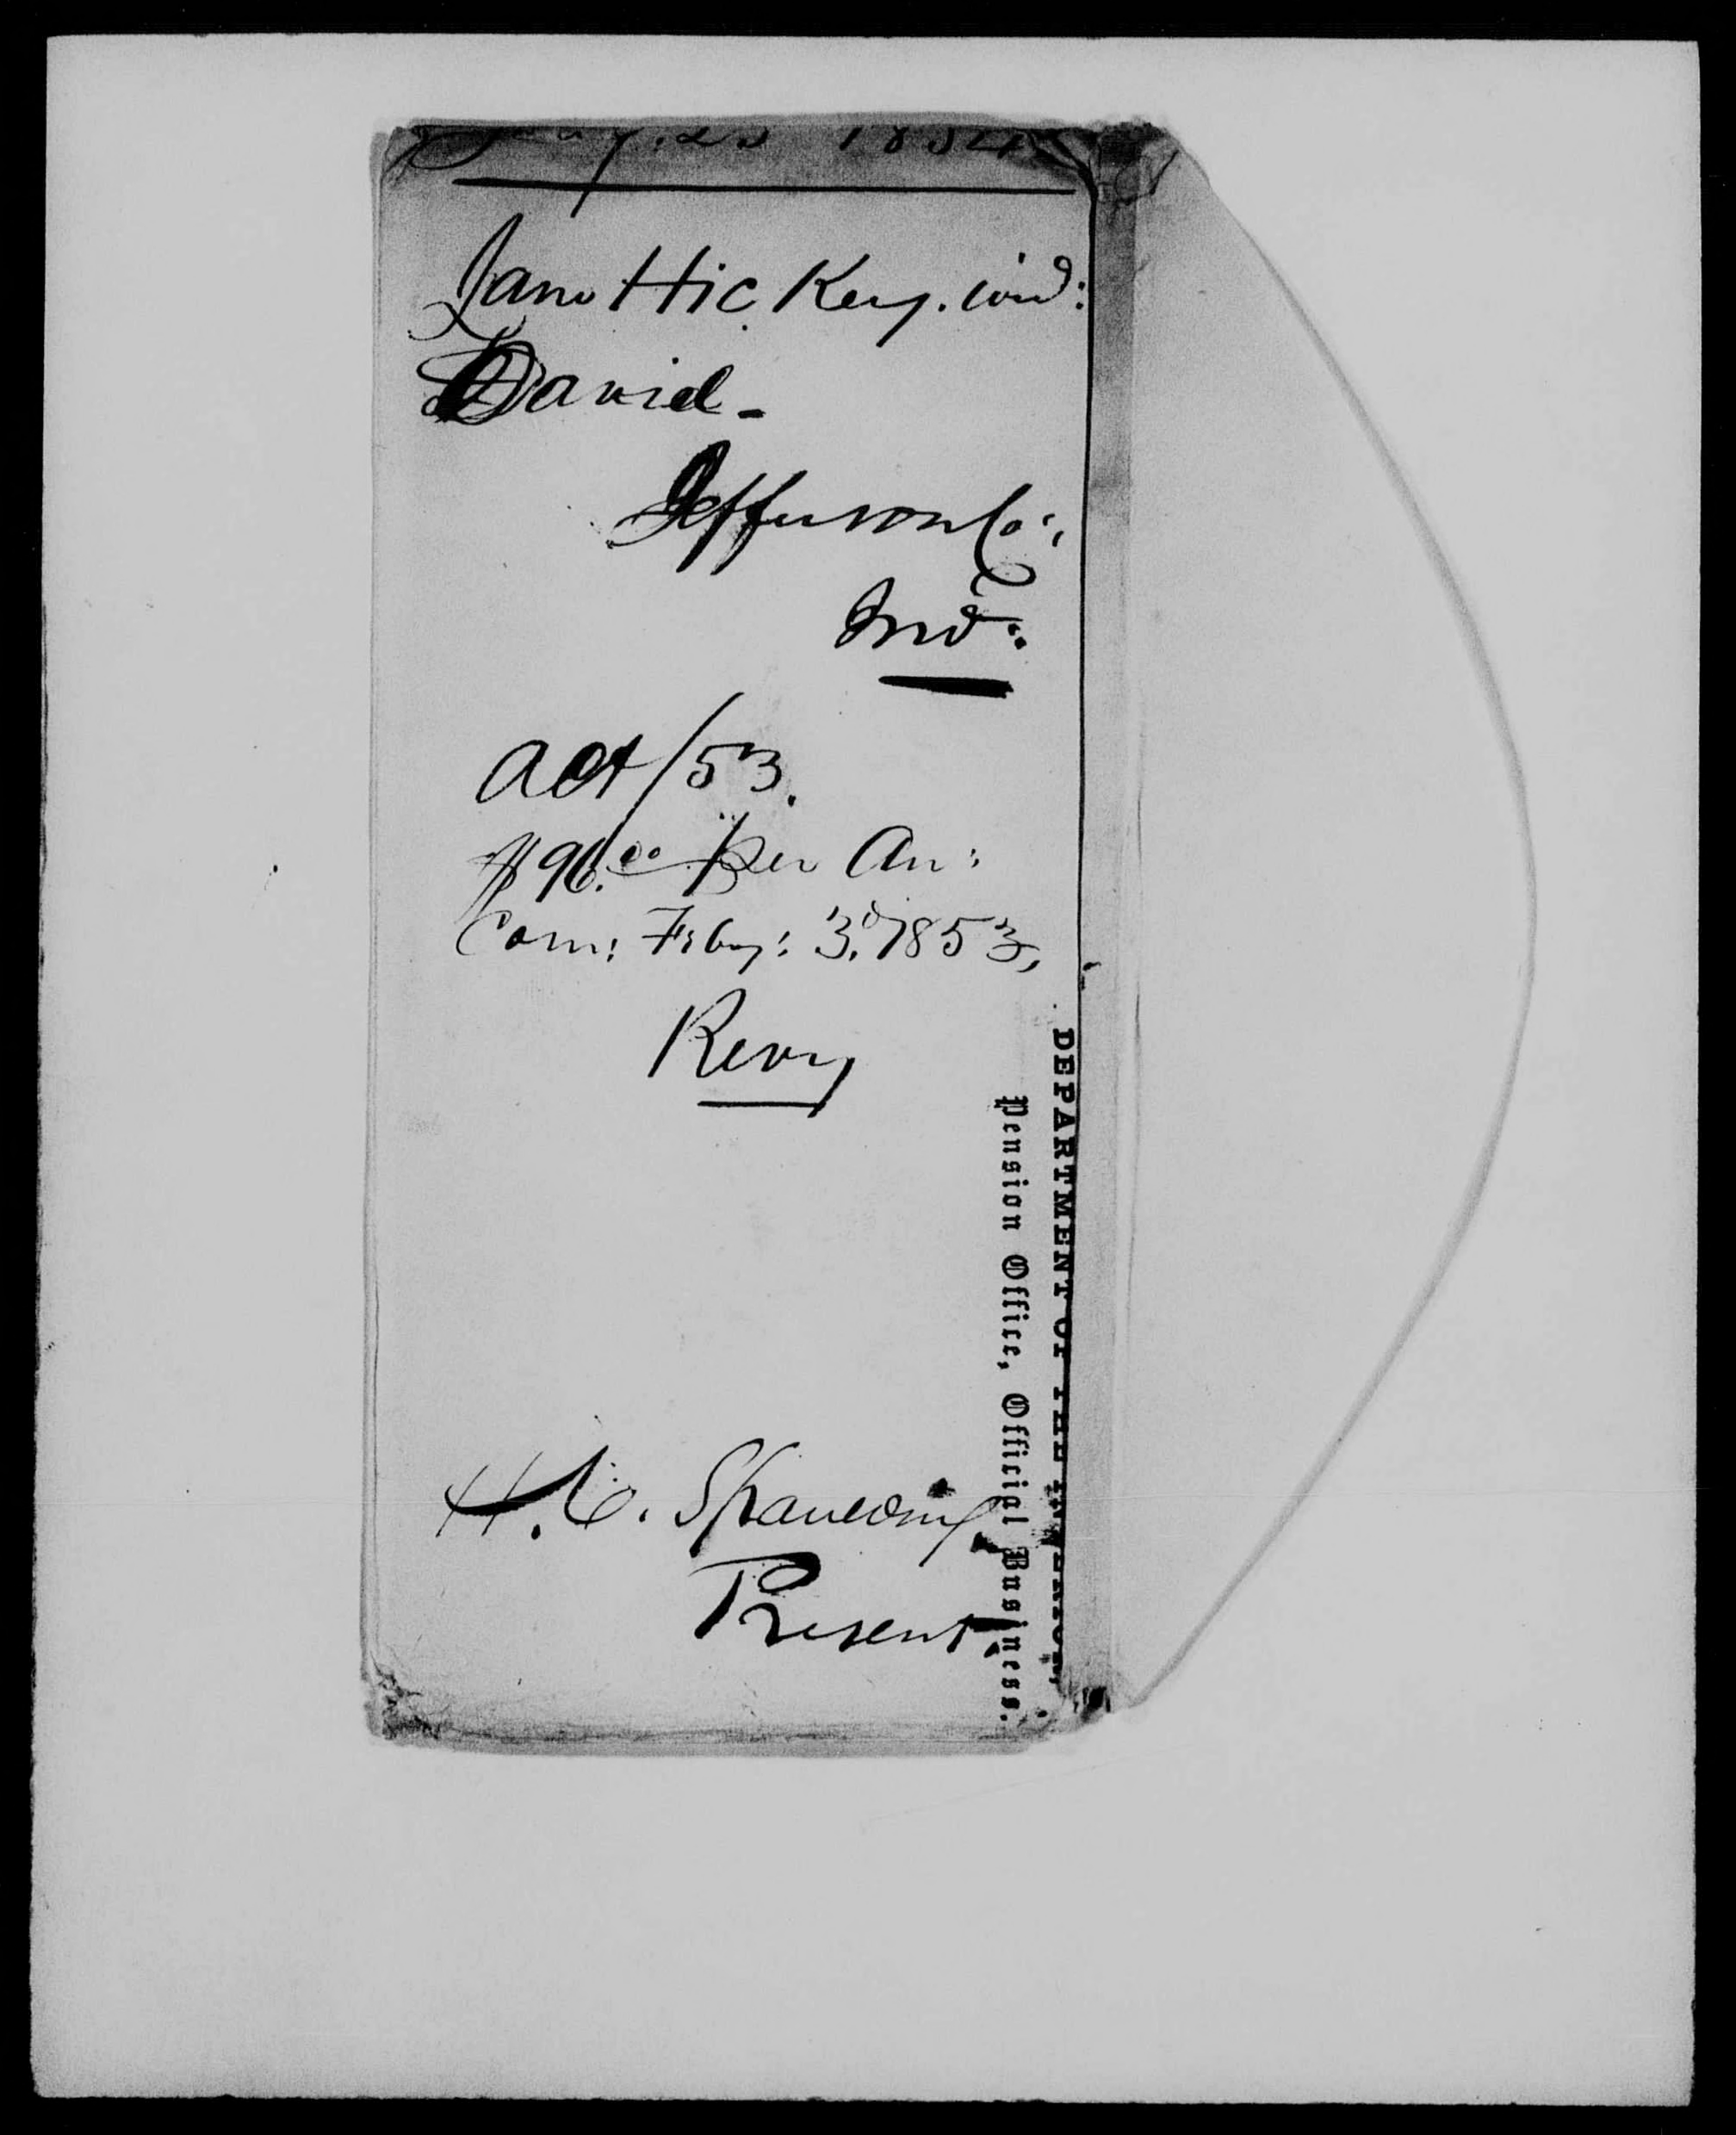[July 25 1854?][cut off at top]

Jane Hickey wid
David
Jefferson Co
Ind.

Act /53
$96.00 per An
Com: Feby 3, 1853,
Revy
H.C. Spaulding
Present

[right-hand side margin]
DEPARTMENT OF THE INTERIOR
Pension Office, Official Business,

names: Daniel Hickey, H C Spaulding, Jane Hickey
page: 28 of 84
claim: widow's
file: W. 7744, Daniel Hickey, Penn.